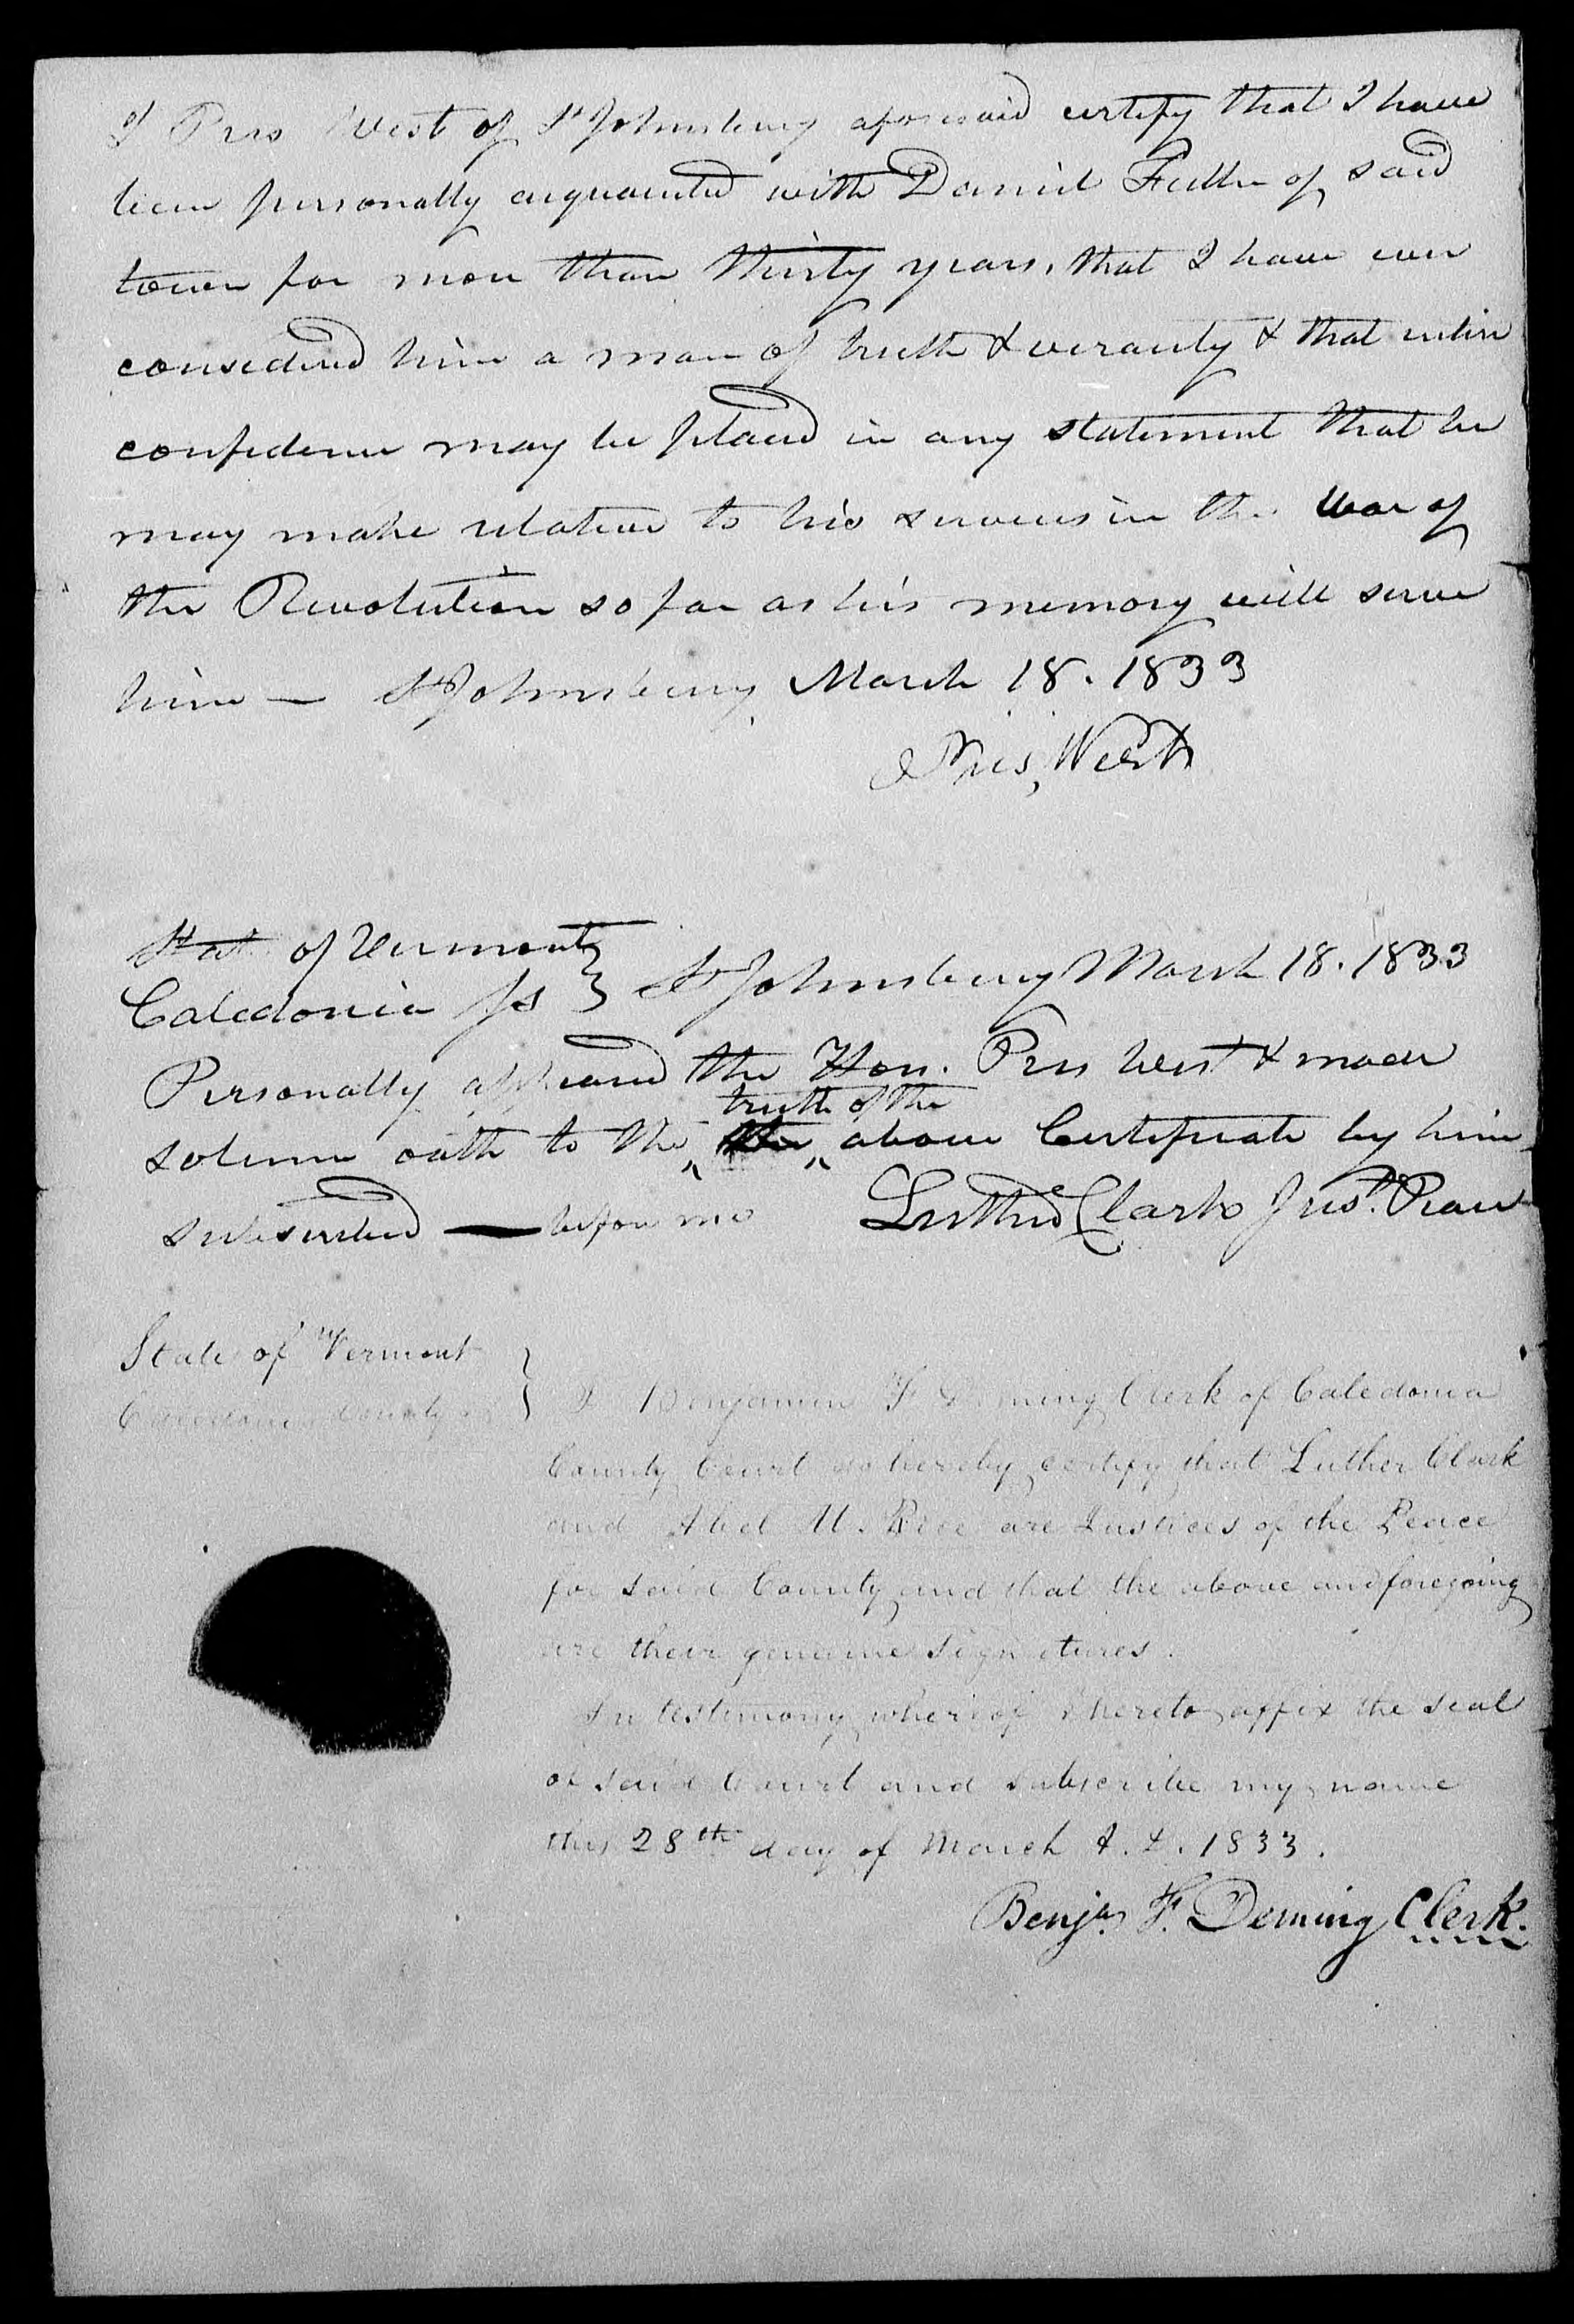I Pres West of St. Johnsbury aforesaid certify that I have been personally acquainted with Daniel Fuller of said town for more than thirty years, that I have ever considered him a man of truth & veracity & that entire confidence may be placed in any statement that he may make relative to his service in the War of The Revolution so far as his memory will serve him. - St. Johnsbury, March 18, 1833
                                          Pres West

State of Vermont}
Caledonia Ss}    St. Johnsbury March 18, 1833
Personally appeared the Hon. Pres West & made solemn oath to the truth of the above Certificate by him .
Subscribed  before me      Luther Clark Jus't. Peace 

State of Vermont}
Caledonia Count Ss}   I Benjamin F. Deming
Clerk of Caledonia County Court do hereby, certify, that Luther Clark and Abel M. Rice are Justices of the Peace in Said County and that the above and foregoing their genuine signatures.
In testimony, whereof I hereto affix the Seal of said Court and subscribe my name this 28th day of March A. D. 1833
                                Benj'm F. Deming Clerk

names: Daniel Fuller, Pres West, Benjamin F Deming, Benja F Deming, Luther Clark, Luther Clark, Pres West, Abel M Rice, Pres West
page: 29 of 29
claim: survivor's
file: S. 18830, Daniel Fuller, Mass.